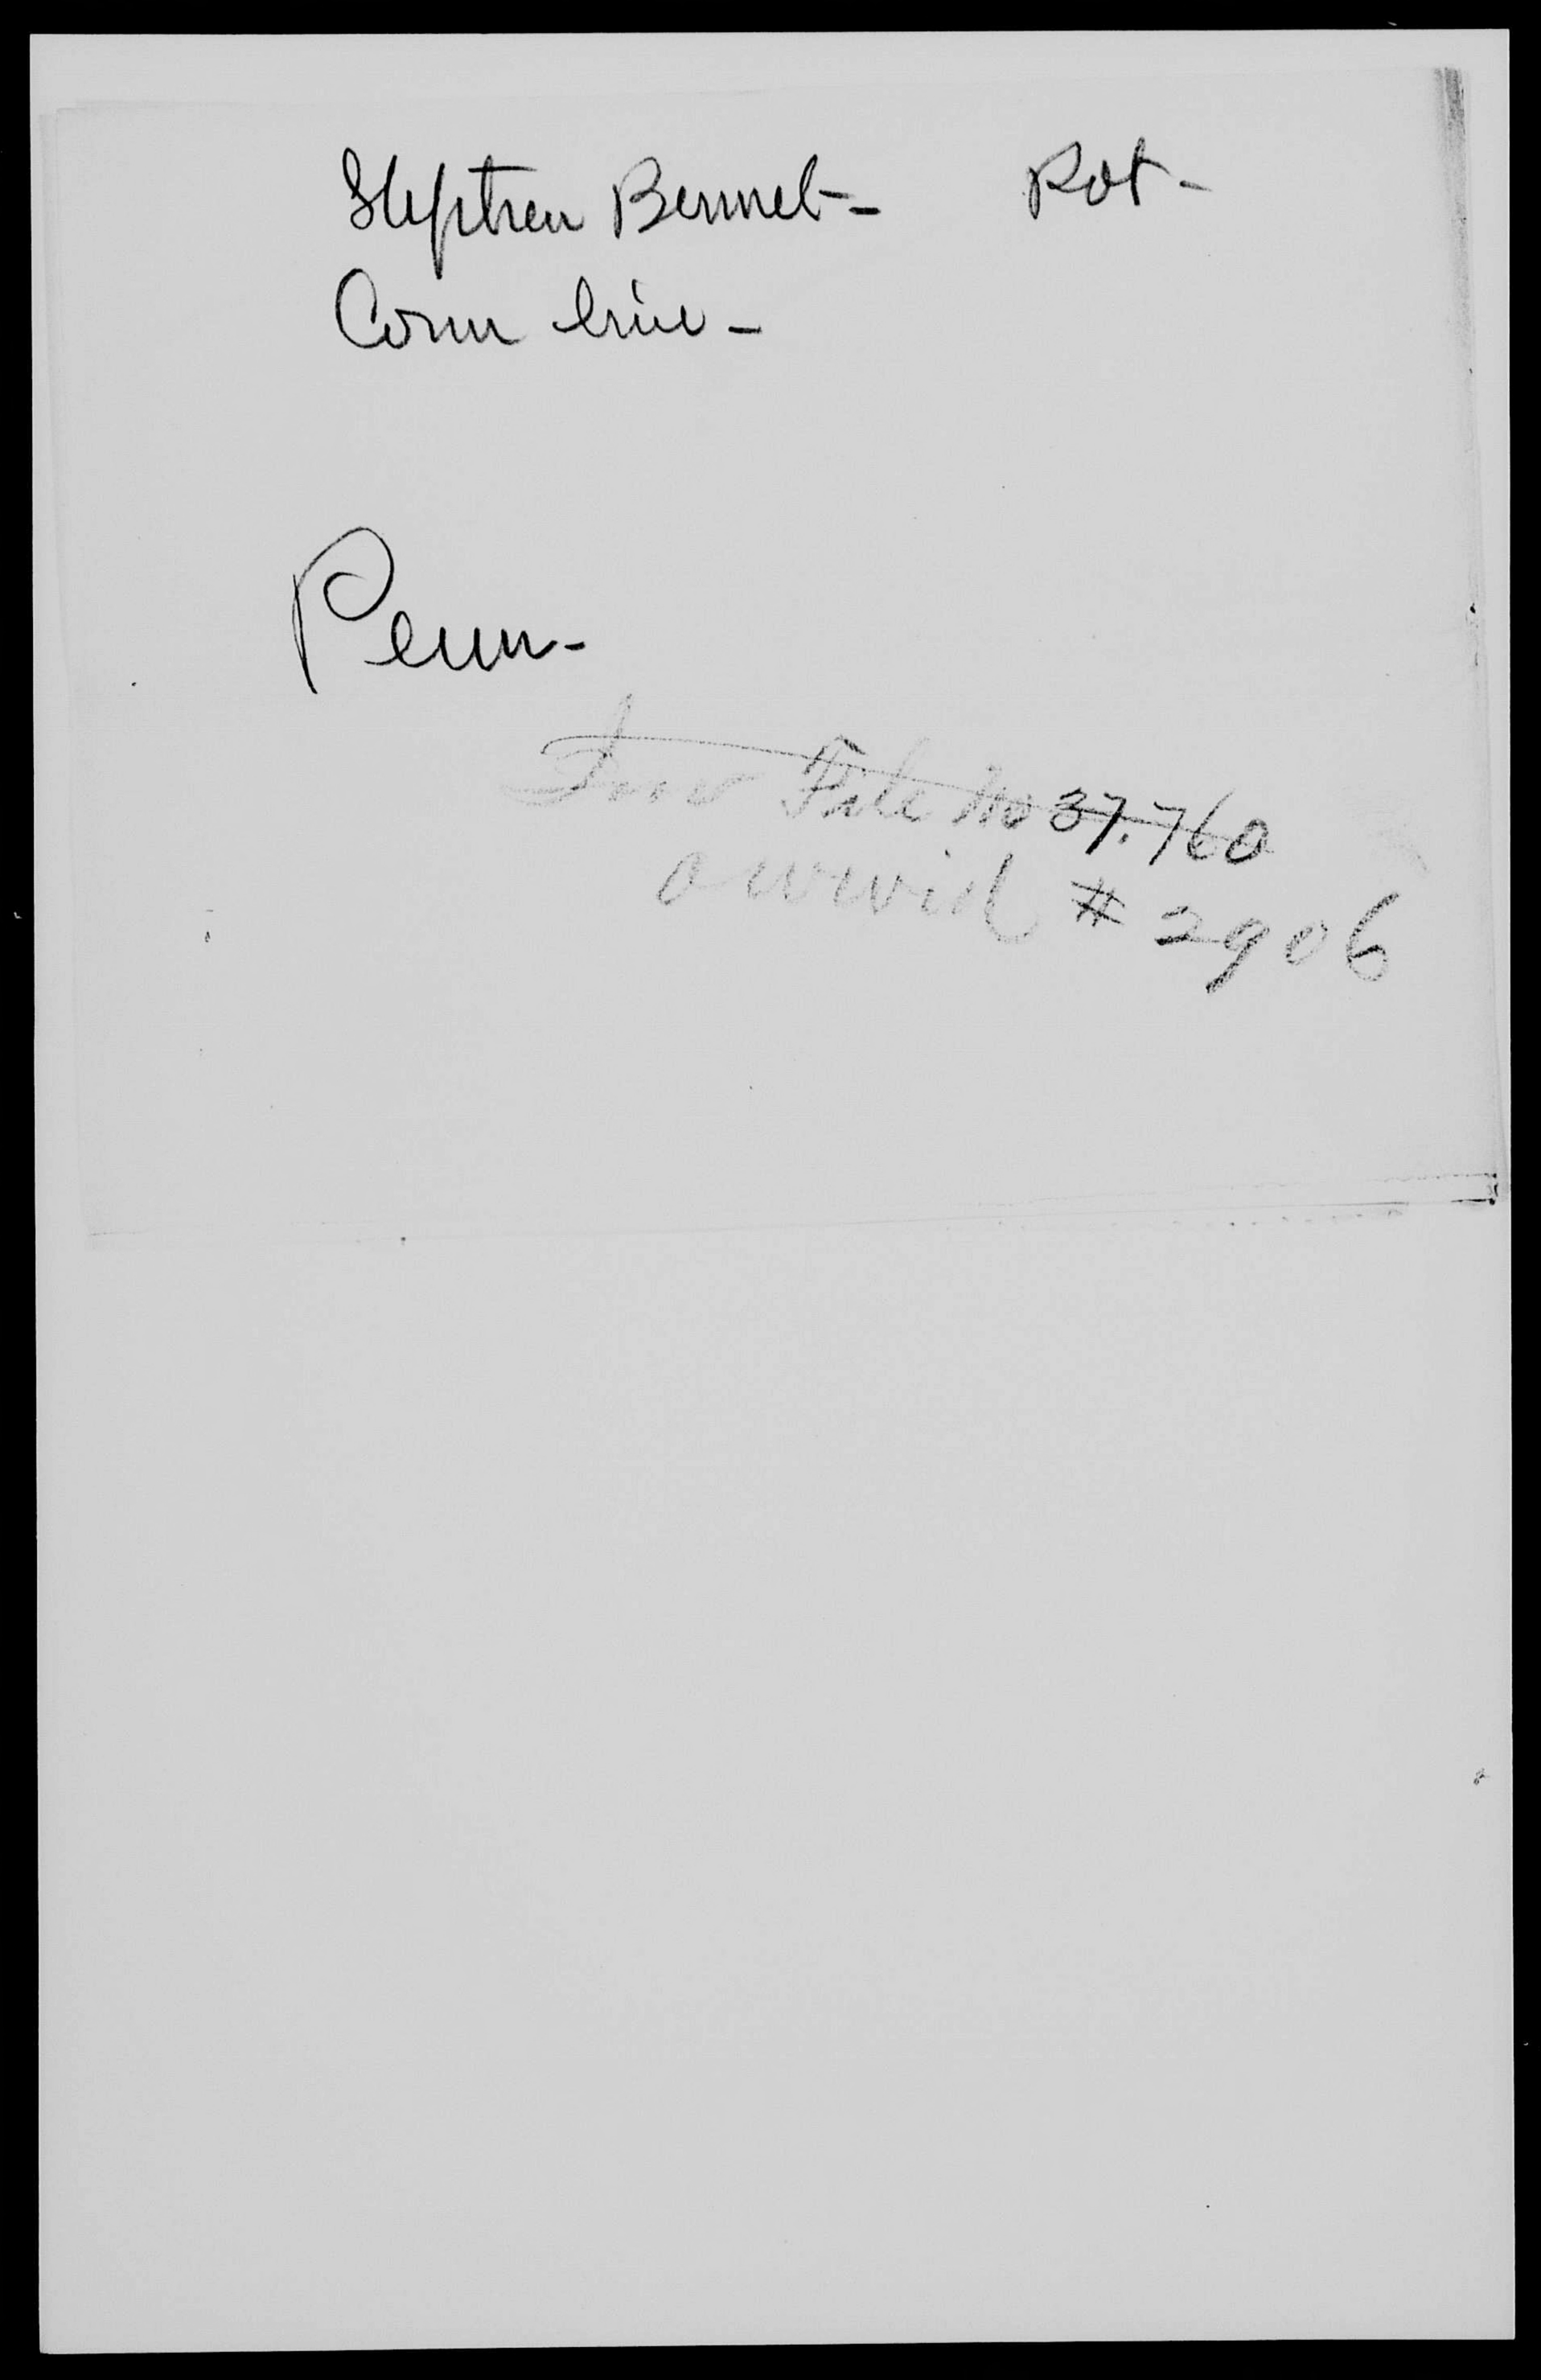Stephen Bennet Pvt
Conn line
Penn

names: Stephen Bennet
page: 18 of 79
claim: widow's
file: W. 2,906, Stephen Bennet, Conn.